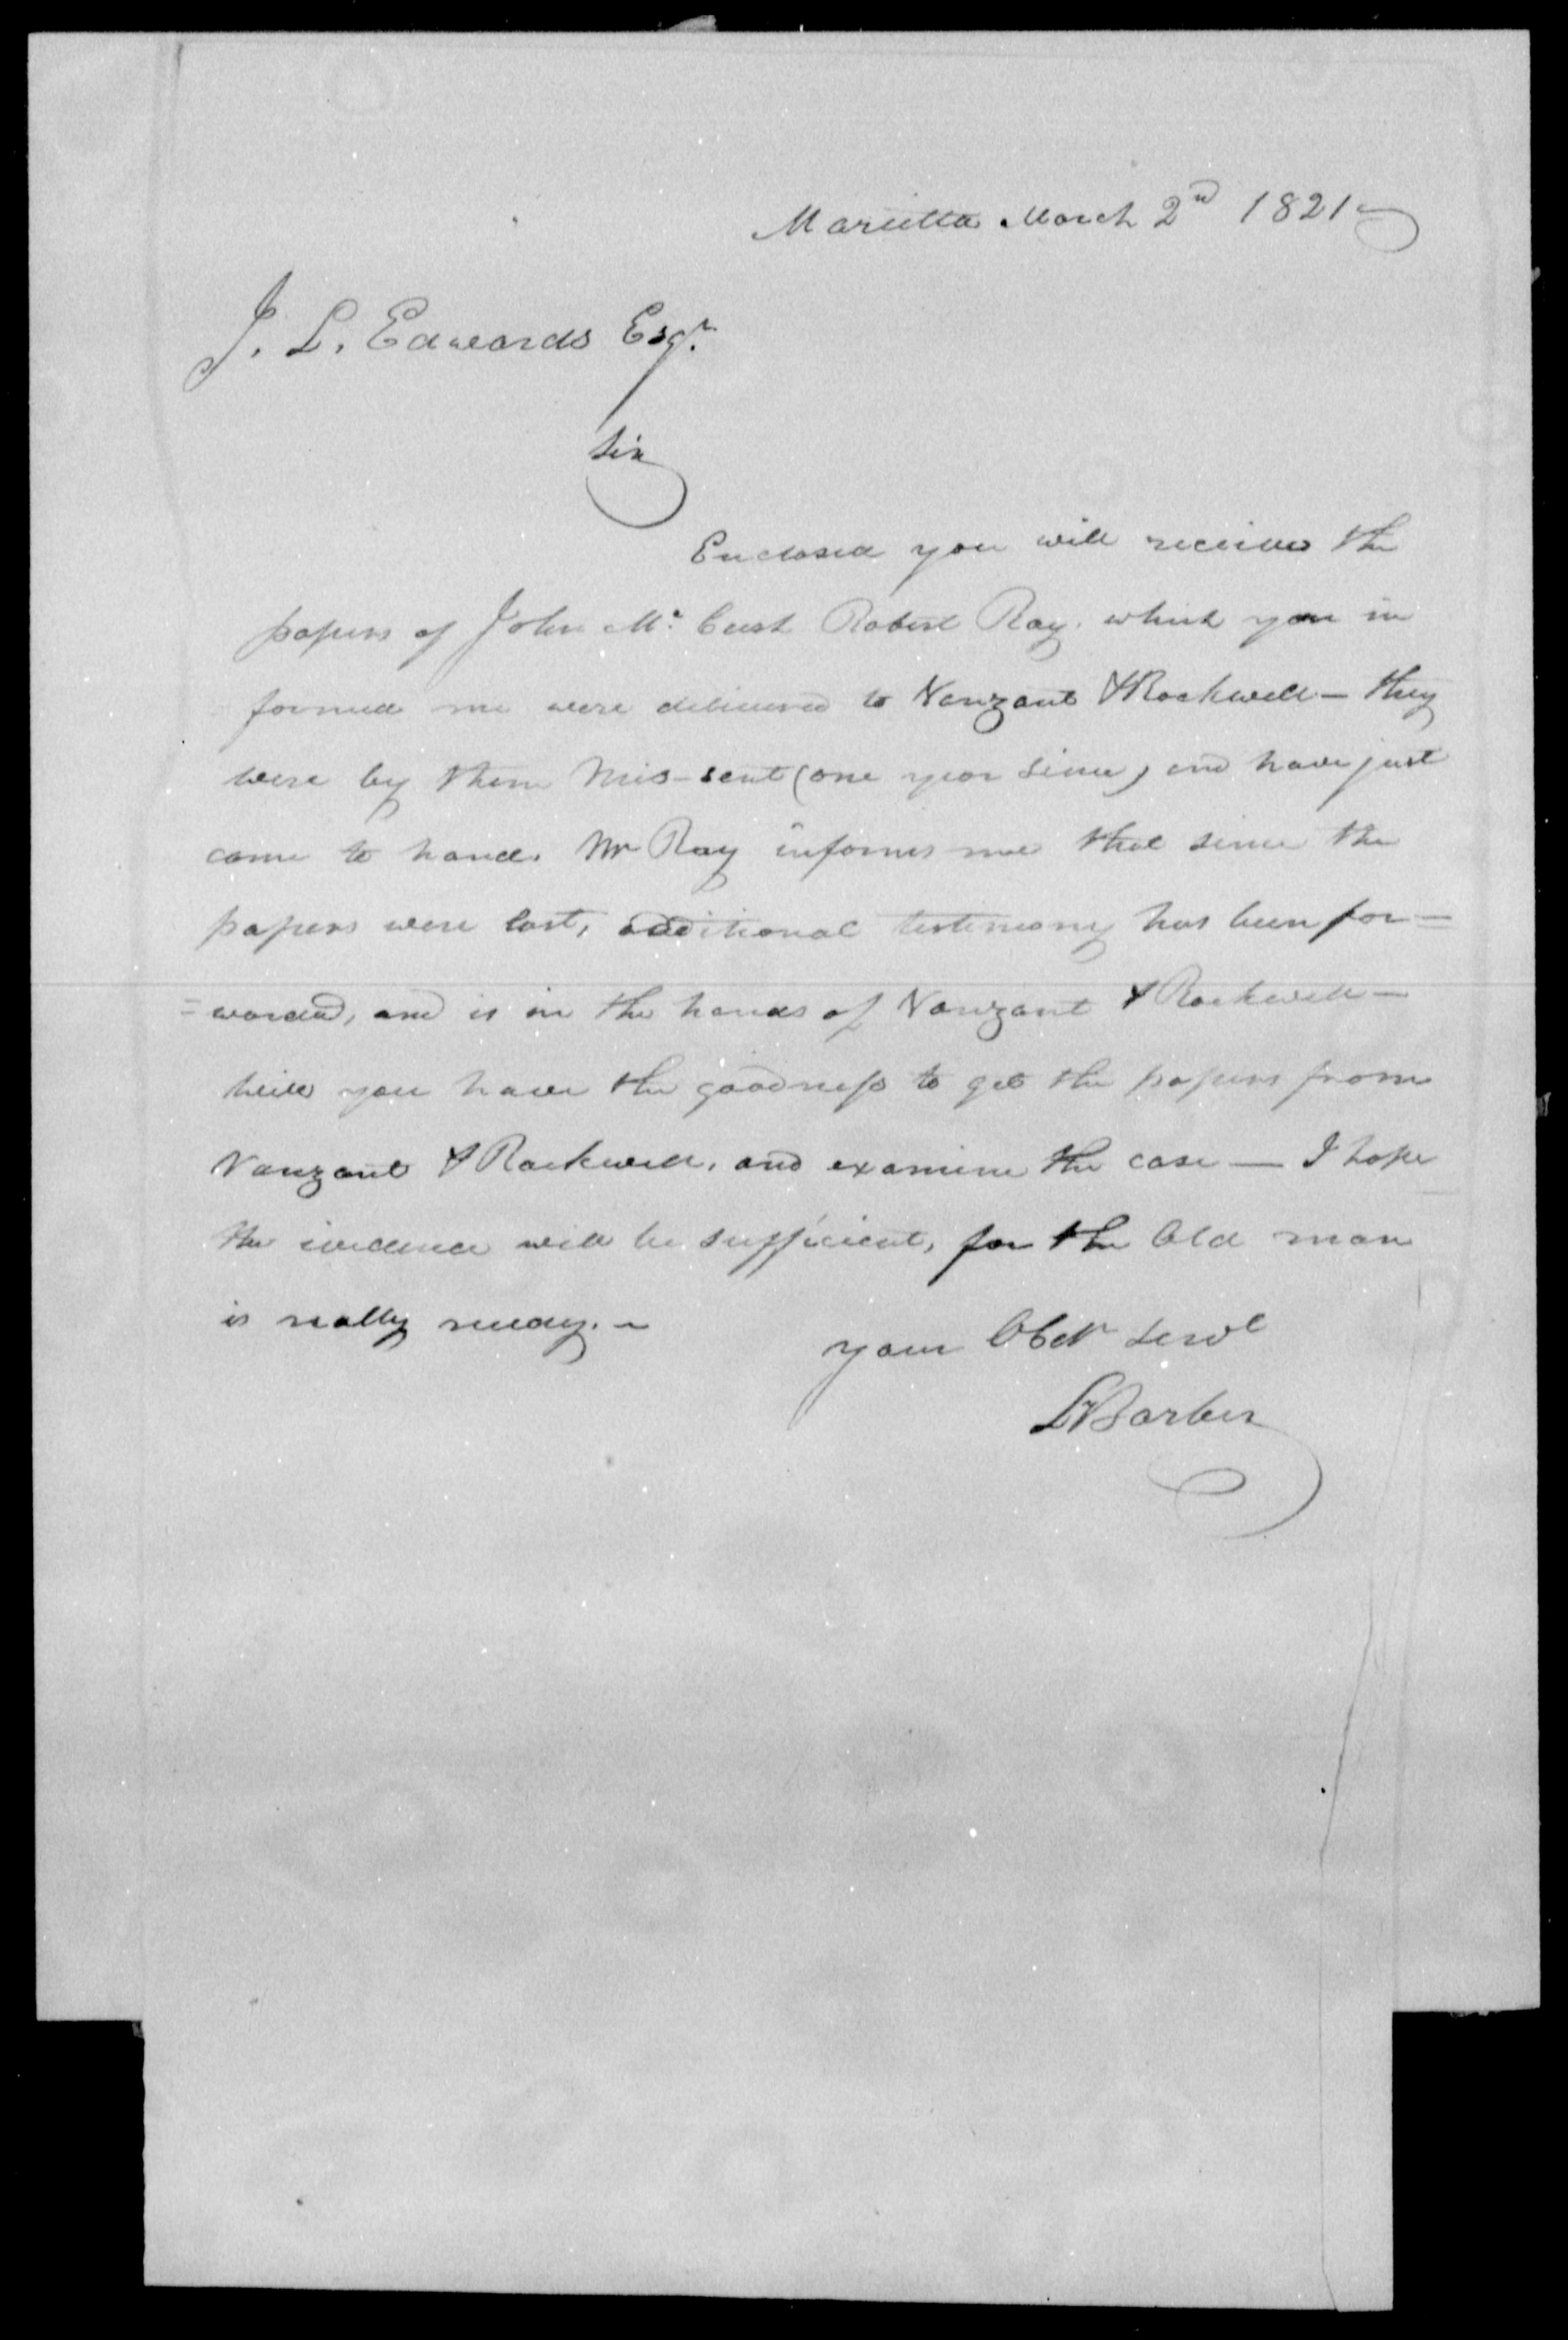Marietta March 2nd 1821
J. L. Edwards Esq.

Enclosed you will receive the
papers of John McCush Robert Ray, which you informed me were delivered to Vanzant & Rockwell - they were by them missent (one year since) and have just came to hand, Mr Ray informs me that since the papers were lost, additional testimony has been for worded, and is in the hands of Vanzant & Rockwell - will you have the goodness to get the papers from
Vanzant & Rockwell, and examine the case - I hope the evidence will be sufficient, for the old man is really needy.
your obed servt
L Barber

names: [BLANK] Ray; John Mc Cush; Robert Ray; L Barber; J L Edwards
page: 19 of 20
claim: survivor's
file: S. 40,990, for John Mc Cush Robert Ray, Pennsylvania